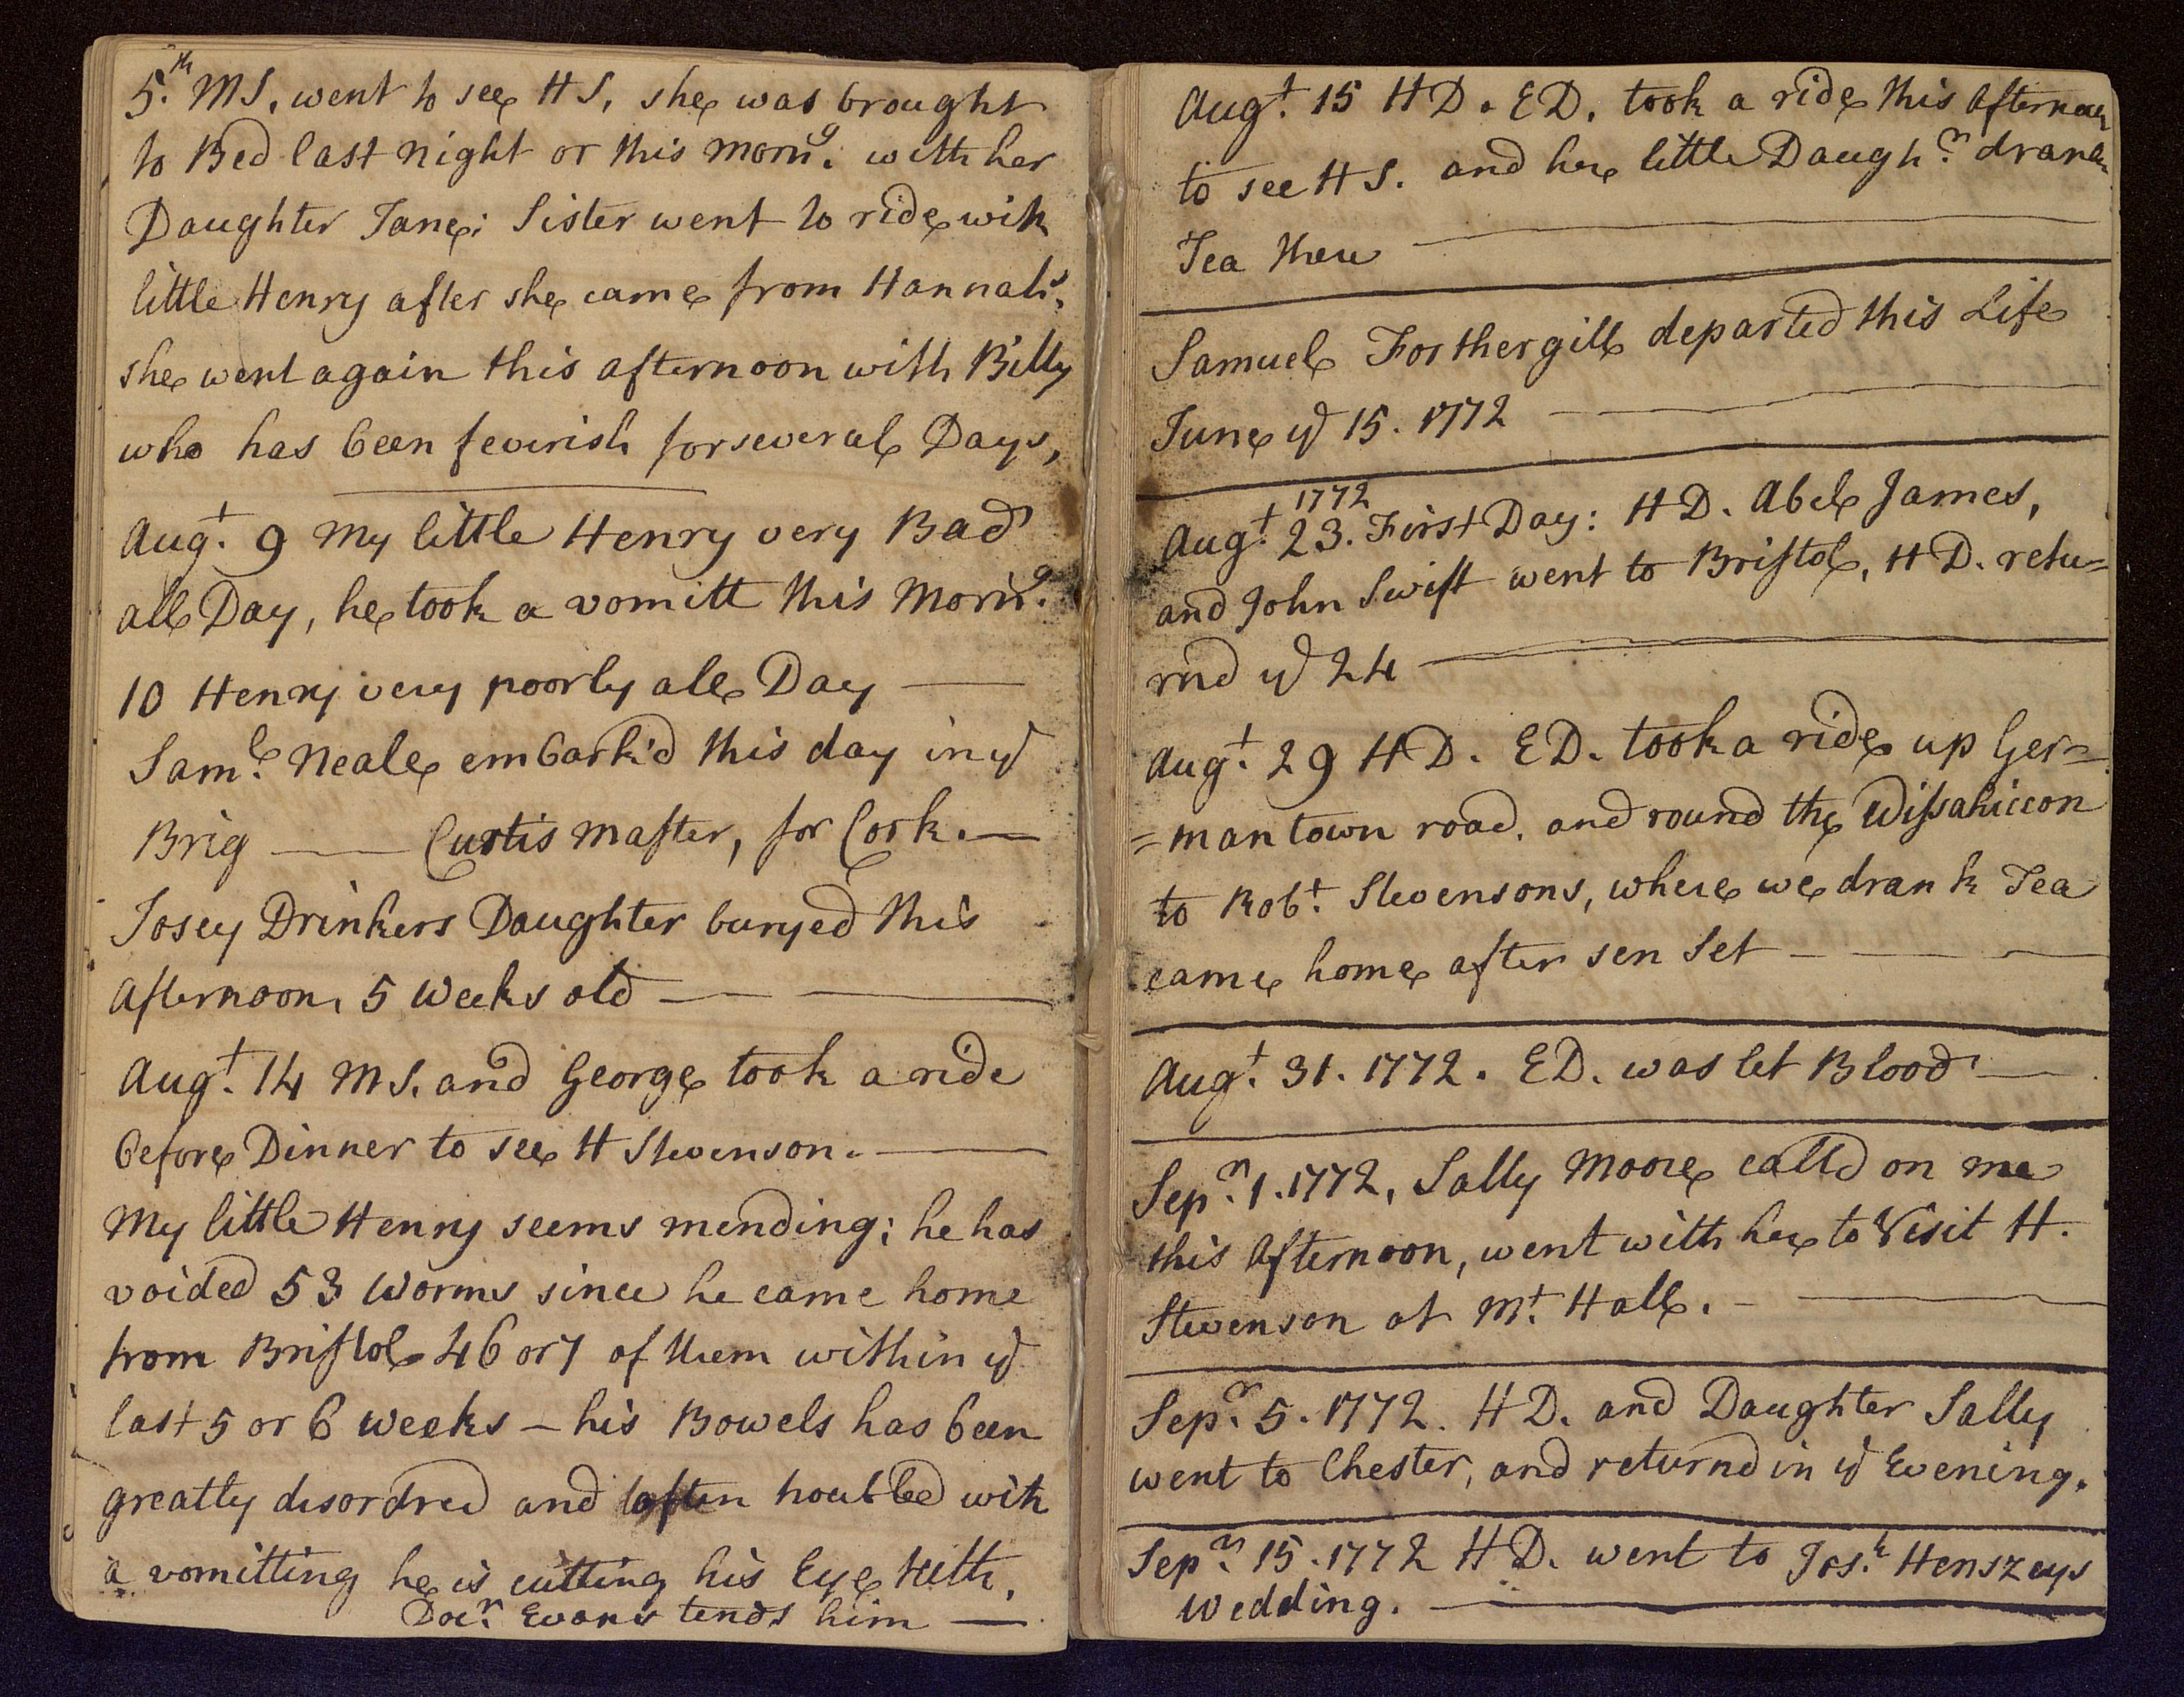5^th. MS. went to see HS, she was brought
to Bed last night or this morn^g. with her
Daughter Jane: Sister went to ride with
little Henry after she came from Hannah^s.
she went again this afternoon with Billy
who has been feverish for several Days,
Aug^t. 9 My little Henry very Bad
all Day, he took a vomitt this morn^g.
10 Henry very poorly all Day-
Sam^l. Neale embark'd this day in y^e
Brig- Curtis Master, for Cor k-
Josey Drinkers Daughter buryed this
Afternoon, 5 Weeks old-
Aug^t. 14 MS. and George took a ride
before Dinner to see H Stevenson.-
My little Henry seems mending; he has
voided 53 worms since he came home
from Bristol 46 or 7 of them within y^e
last 5 or 6 weeks- his Bowels has been
greatly disordred and often troubled with
a vomitting he is cutting his Eye teeth,
Doc^r. Evans tends him
Aug^t. 15 HD. ED. took a ride this Afternoon
to see HS. and her little Daugh^r. drank
Tea there -
Samuel Forthergill departed this Life
June y^e 15. 1772
1772
Aug^t. 23. First Day: HD. Abel James,
and John Swift went to Bristol, HD. retu-
rned y^e 24
Aug^t. 29 HD. ED. took a ride up Ger-
-mantown road, and round the Wissasiccon
to Rob^t. Stevensons, where we drank Tea
came home after sun set-
Aug^t. 31. 1772. ED. was let Blood-
Sep^m. 1. 1772, Sally Moore calld on me
this Afternoon, went with her to Visit H.
Stevenson at M^t. Hall.-
Sep^m. 5. 1772. HD. and Daughter Sally
went to Chester, and returnd in y^e Evening,
Sep^m. 15. 1772 HD. went to Jos^h. Henszays
Wedding.